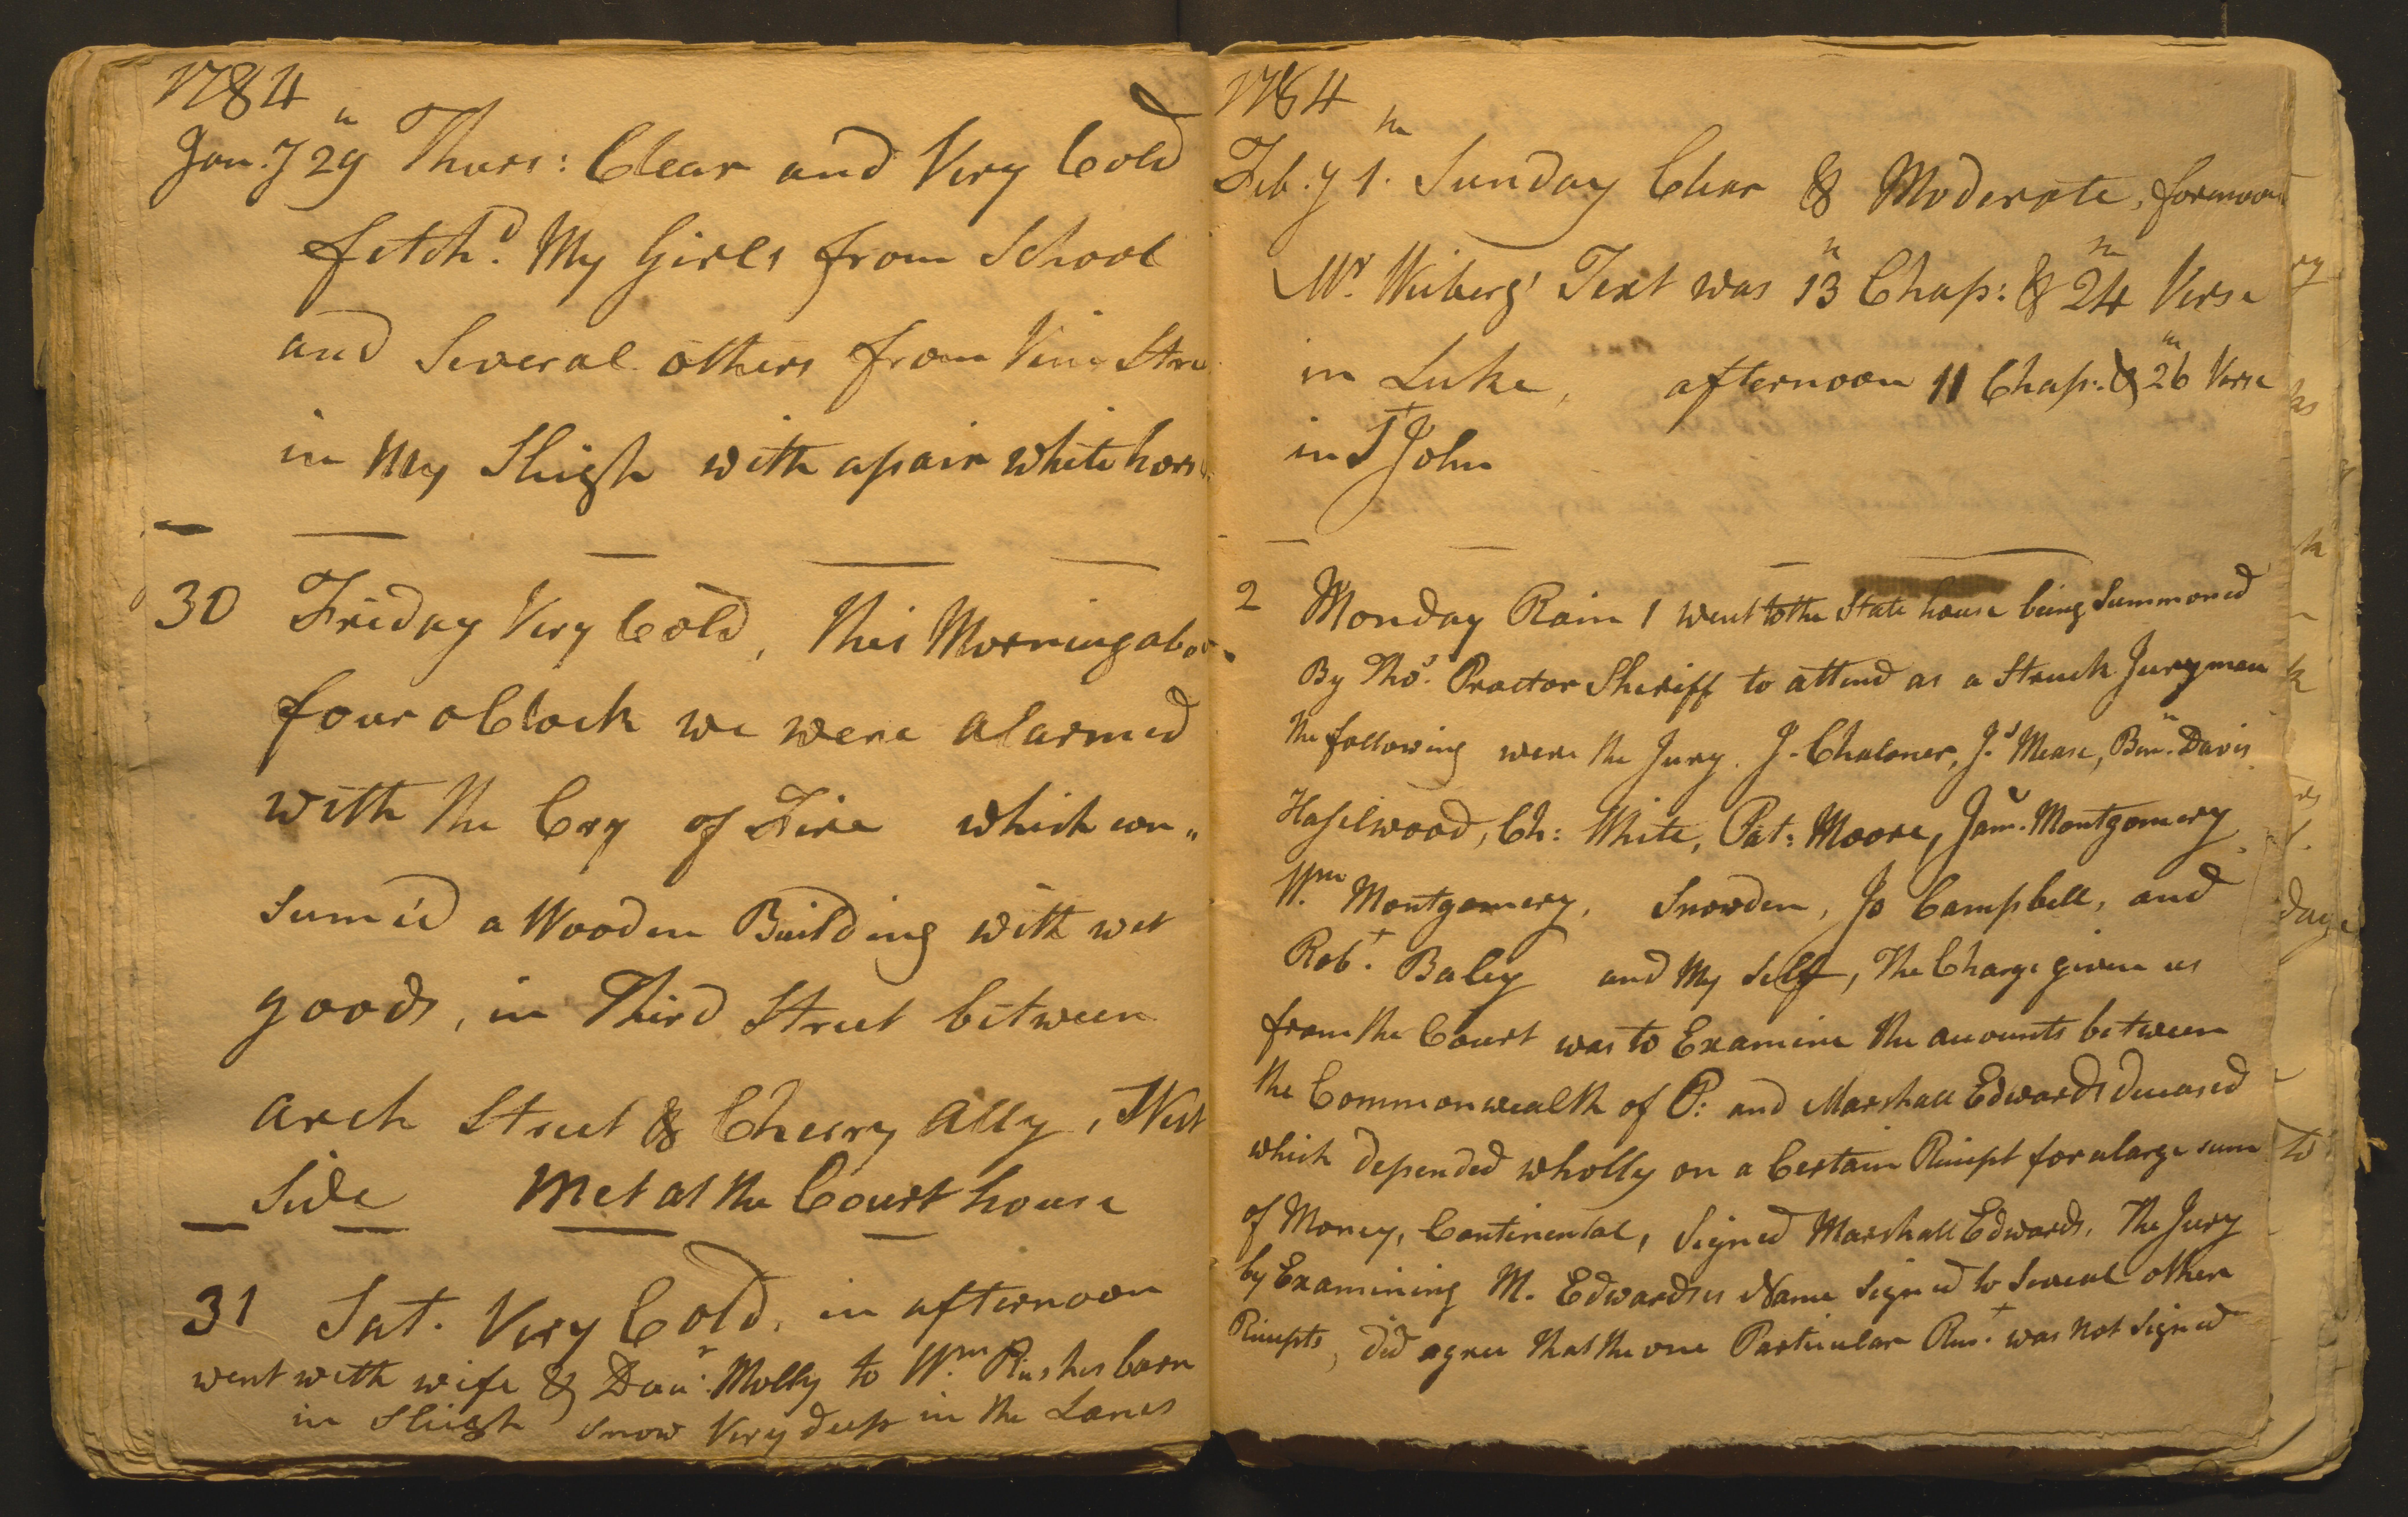1784
Jan^y. 29^th Thurs: Clear and Very Cold
fetch^d. My Girls from School
and several others from Vine Stre
in My Sleigh with a pair white hors
30 Friday Very Cold. this Morning abo
four oClock we were alarmed
with the Cry of Fire which con.
sume'd a Wooden Building with wet
goods, in Third Street between
Arch Street & Cherry Ally, West
side Met at the Courthouse
31 Sat. Very Cold. in afternoon
went with wife & Dau^r: Molly to W^m. Rushes barn
in Sleigh Snow Very deep in the Lanes
1784
Feb^y. 1^th. Sunday Clear & Moderate, fornoon
M^r. Weiberg Text was 13^h Chap: & 24^th Verse
in Luke, afternoon 11 Chap. & 26^th Verse
in S^t John
2 Monday Rain 1 went to the State house being summoned
By Tho^s. Proctor Sheriff to attend as a Struck Juryman
the fallowing were the Jury. Jd. Chaloner J^s. Mease, Ben^n. Davis
Haselwood, Ch: White Pat: Moore, Jam^s. Montgomery
W^m. Montgemery, Snowden, Jo Campbell, and
Rob^t. Baley, and My self, The Charge given us
from the Court was to Examine the accounts between
the Commonwealth of P: and Marshall Edwards deceased
which depended wholly on a Certain Receipt for a large sum
of Money, Continental, signed Marshall Edwards. The Jury
by Examining M. Edwardses Name signed to Several other
Receipts, did agree that the one Particular Rec^t. was not signed